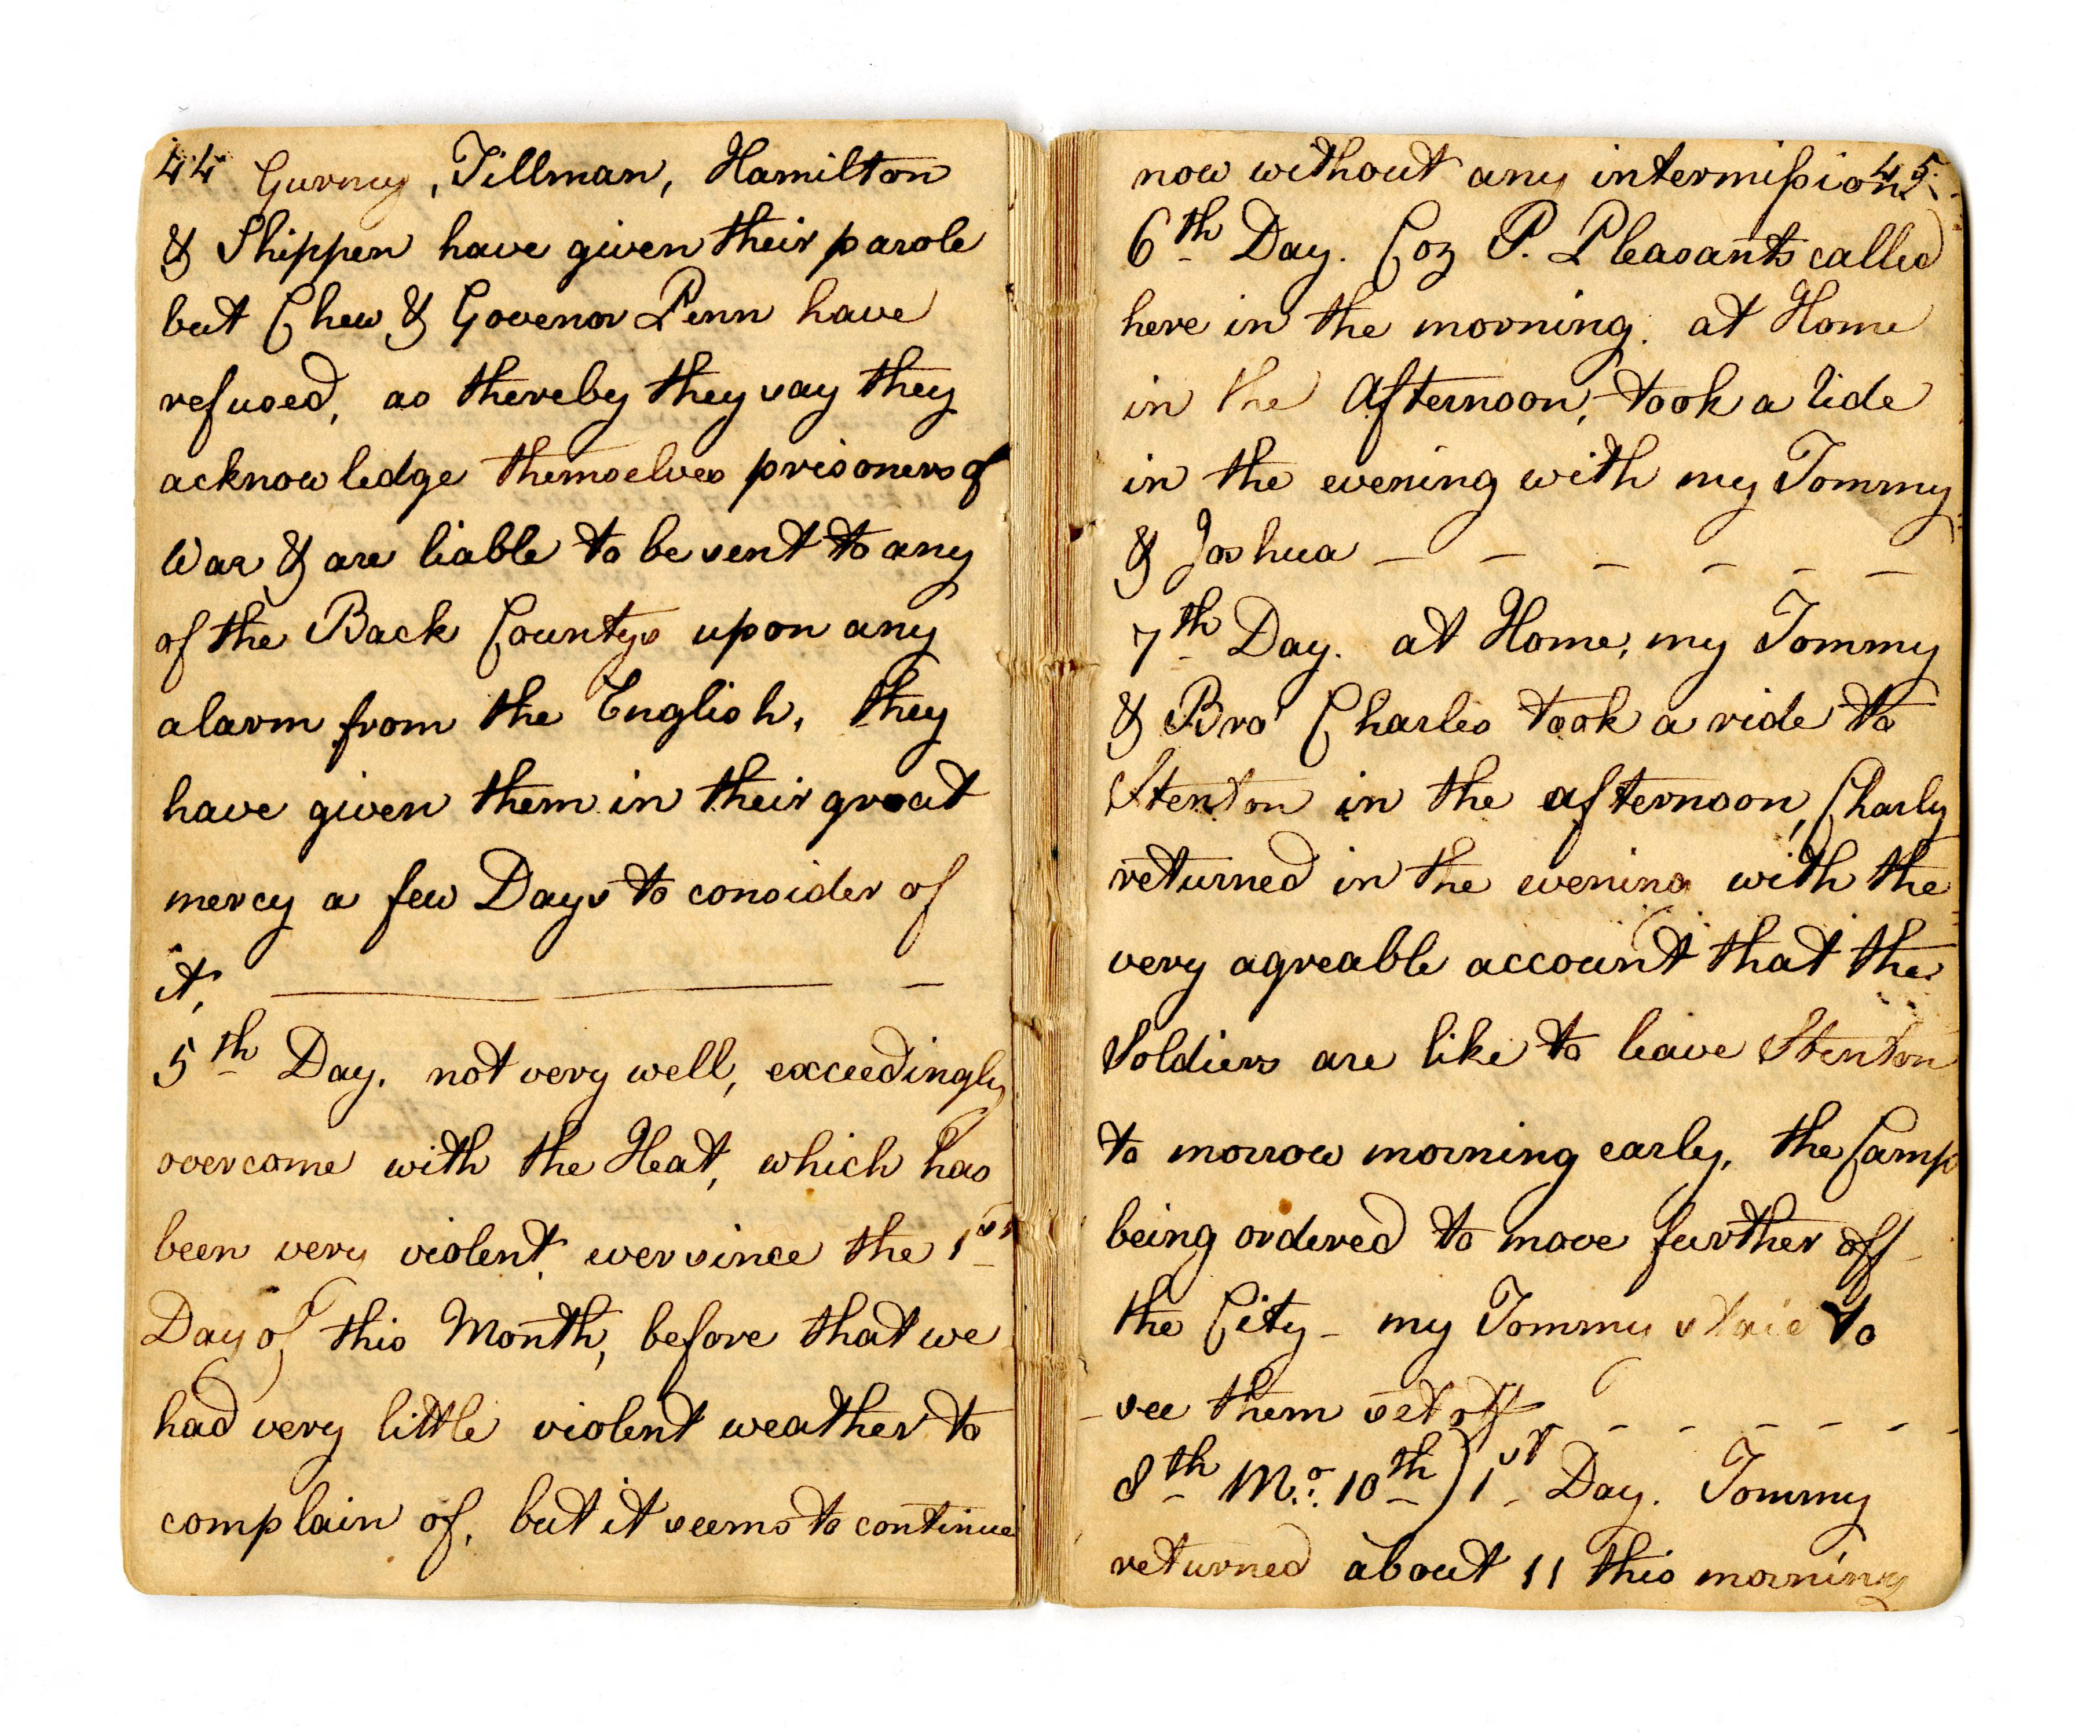Gurney, Tillman, Hamilton
& Shippen have given their parole
but Chew & Govenor Penn have
refused, as thereby they say they
acknowledge themselves prisoners of
War & are liable to be sent to any
of the Back Countys upon any
alarm from the English, they
have given them in their great
mercy a few Days to consider of
it,
5^th Day. not very well, exceedingly
overcame with the Heat, which has
been very violent, ever since the 1^st
Day of this Month, before that we
had very little violent weather to
complain of, but it seems to continue
now without any intermission
6^th Day. Coz P. Pleasants called
here in the morning. at Home
in the Afternoon, took a ride
in the evening with my Tommy
& Joshua--
7^th. Day. at Home, my Tommy
& Bro' Charles took a ride to
Stenton in the afternoon, Charly
returned in the evening with the
very agreable account that the
Soldiers are like to leave Stenton
to morrow morning early, the Camp
being ordered to move further off
the City- my Tommy staid to
see them set off
8^th M^o 10^th ) 1^st Day. Tommy
returned about 11 this morning